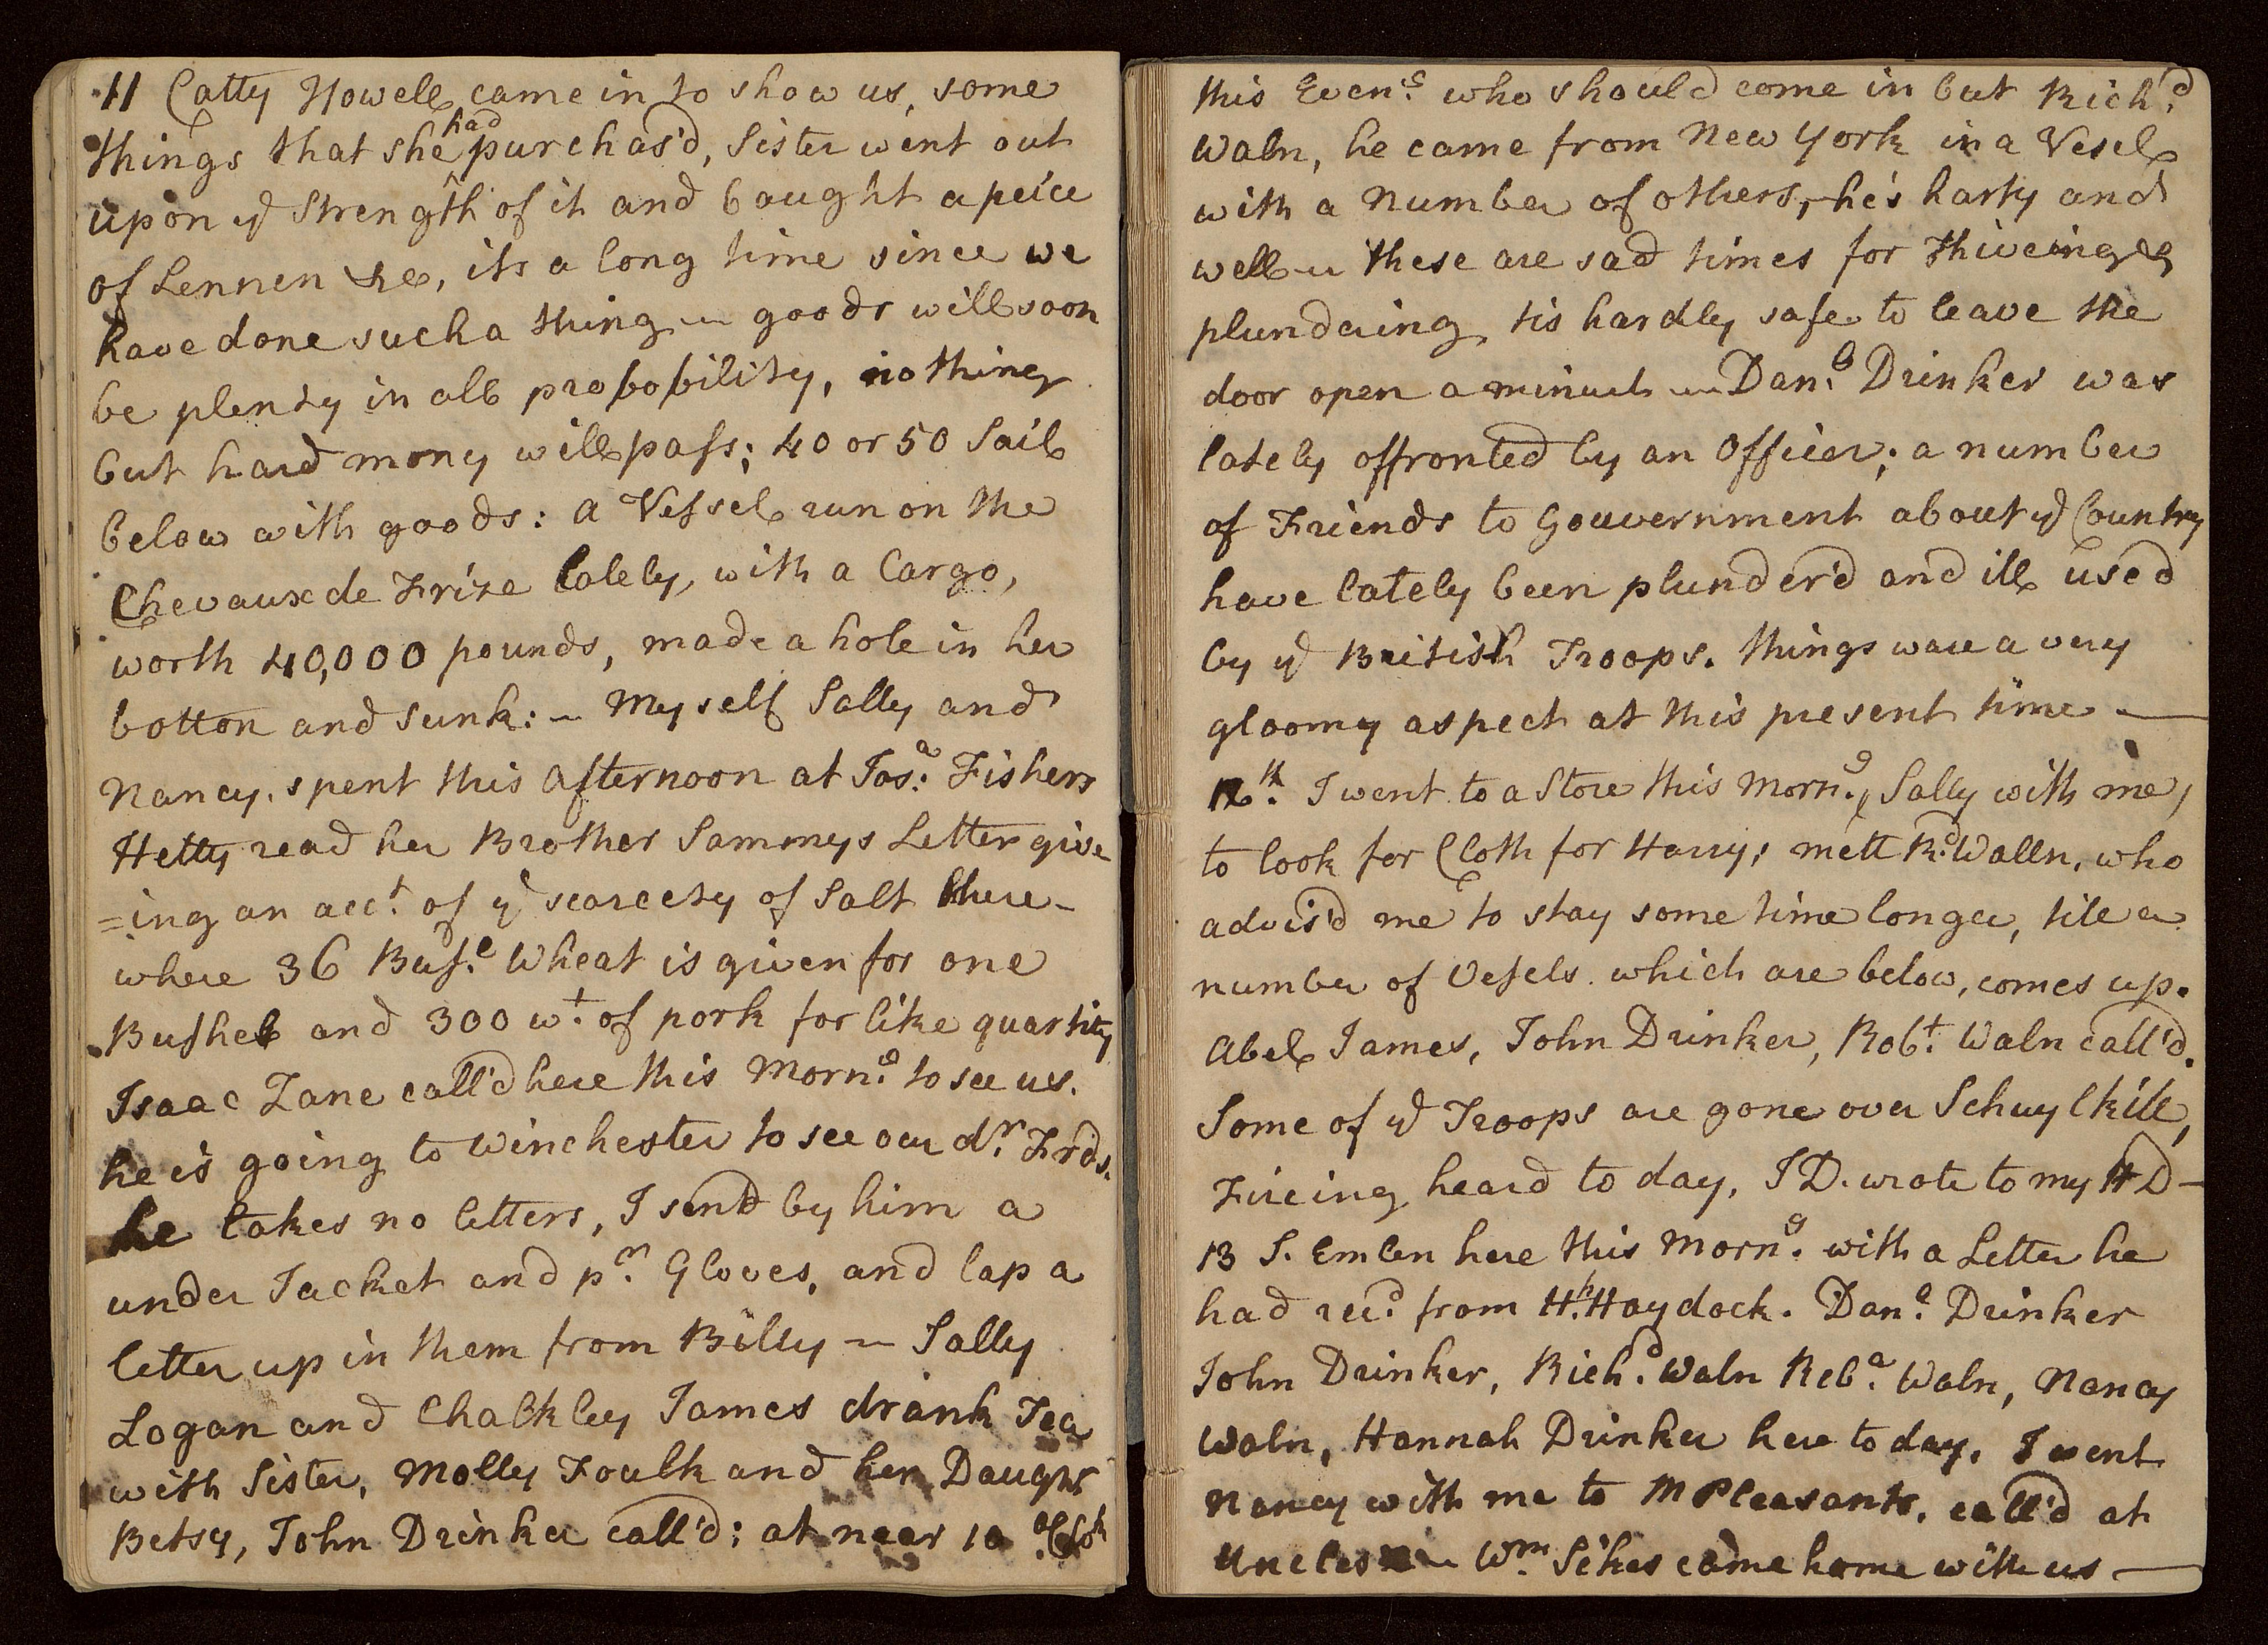11 Catty Howell came in so show us, some
had
things that she ^ purchas'd, Sister went out
upon y^e Strength of it and baught a peice
of Lennen &c, its a long time since we
have done such a thing - goods will soon
be plenty in all probobility, no thing
but hard mony will pass; 40 or 50 sail
below with goods: a Vessel run on the
Chevaux de Frize Colely, with a Cargo,
worth 40,000 pounds, made a hole in her
botton and sunk:- Myself Sally and
Nancy. spent this Afternoon at Jos^a: Fishers
Hetty read her Brother Sammys Letter give
-ing an acc^t. of y^e scarcety of salt there-
where 36 Bus^l. Wheat is given for one
Bushel and 300 w^t. of pork for like quartity
Isaac Lane call'd here this Morn^g. to see us.
he is going to Winchester to see our d^r. Frds.
he takes no letters, I sent by him a
under Jacket and p^m. Gloves, and Cap a
letter up in them from Billy- Sally
Logan and Chalkley James drank Tea
with Sister, Molly Foulk and her Daugh^r.
Betsy, John Drinker call'd; at near 10 ^oClo^k
this Even^d: who should come in but mich-
Waln, he came from New York in a Vesel
with a Number of others, he's harty and
well- these are sad times for thiveing &
plundering tis hardly safe to leave the
door open a minuet- Dan^l Drinker was
lately affronted by an Officer; a number
of Friends to Gouvernment about y^e Country
have lately been plunder'd and ill used
by y^e British Troops. Things ware a very
gloomy aspect at this present time-
1[6]^th. I went to a Store this Morn^g., Sally with me,
to look for Cloth for Henry; mett R^d. Walln, who
advis'd me to stay some time longer, till a
number of Vesels which are below, comes up.
Abel James, John Drinker, Rob^t. Waln call'd.
Some of y^e Troops are gone over Schuylkill,
Fireing heard to day, JD. wrote to my HD-
13 S. Emlen here this Morn^g. with a Letter he
had rec^d. from H^h. Haydock. Dan^l. Drinker
John Drinker, Rich^d. Waln Reb^a Waln, Nancy
Waln, Hannah Drinker here to day, I went
Nancy with me to M Pleasants, call'd at
Uncles [_]- W^m. Sikes came home with us-